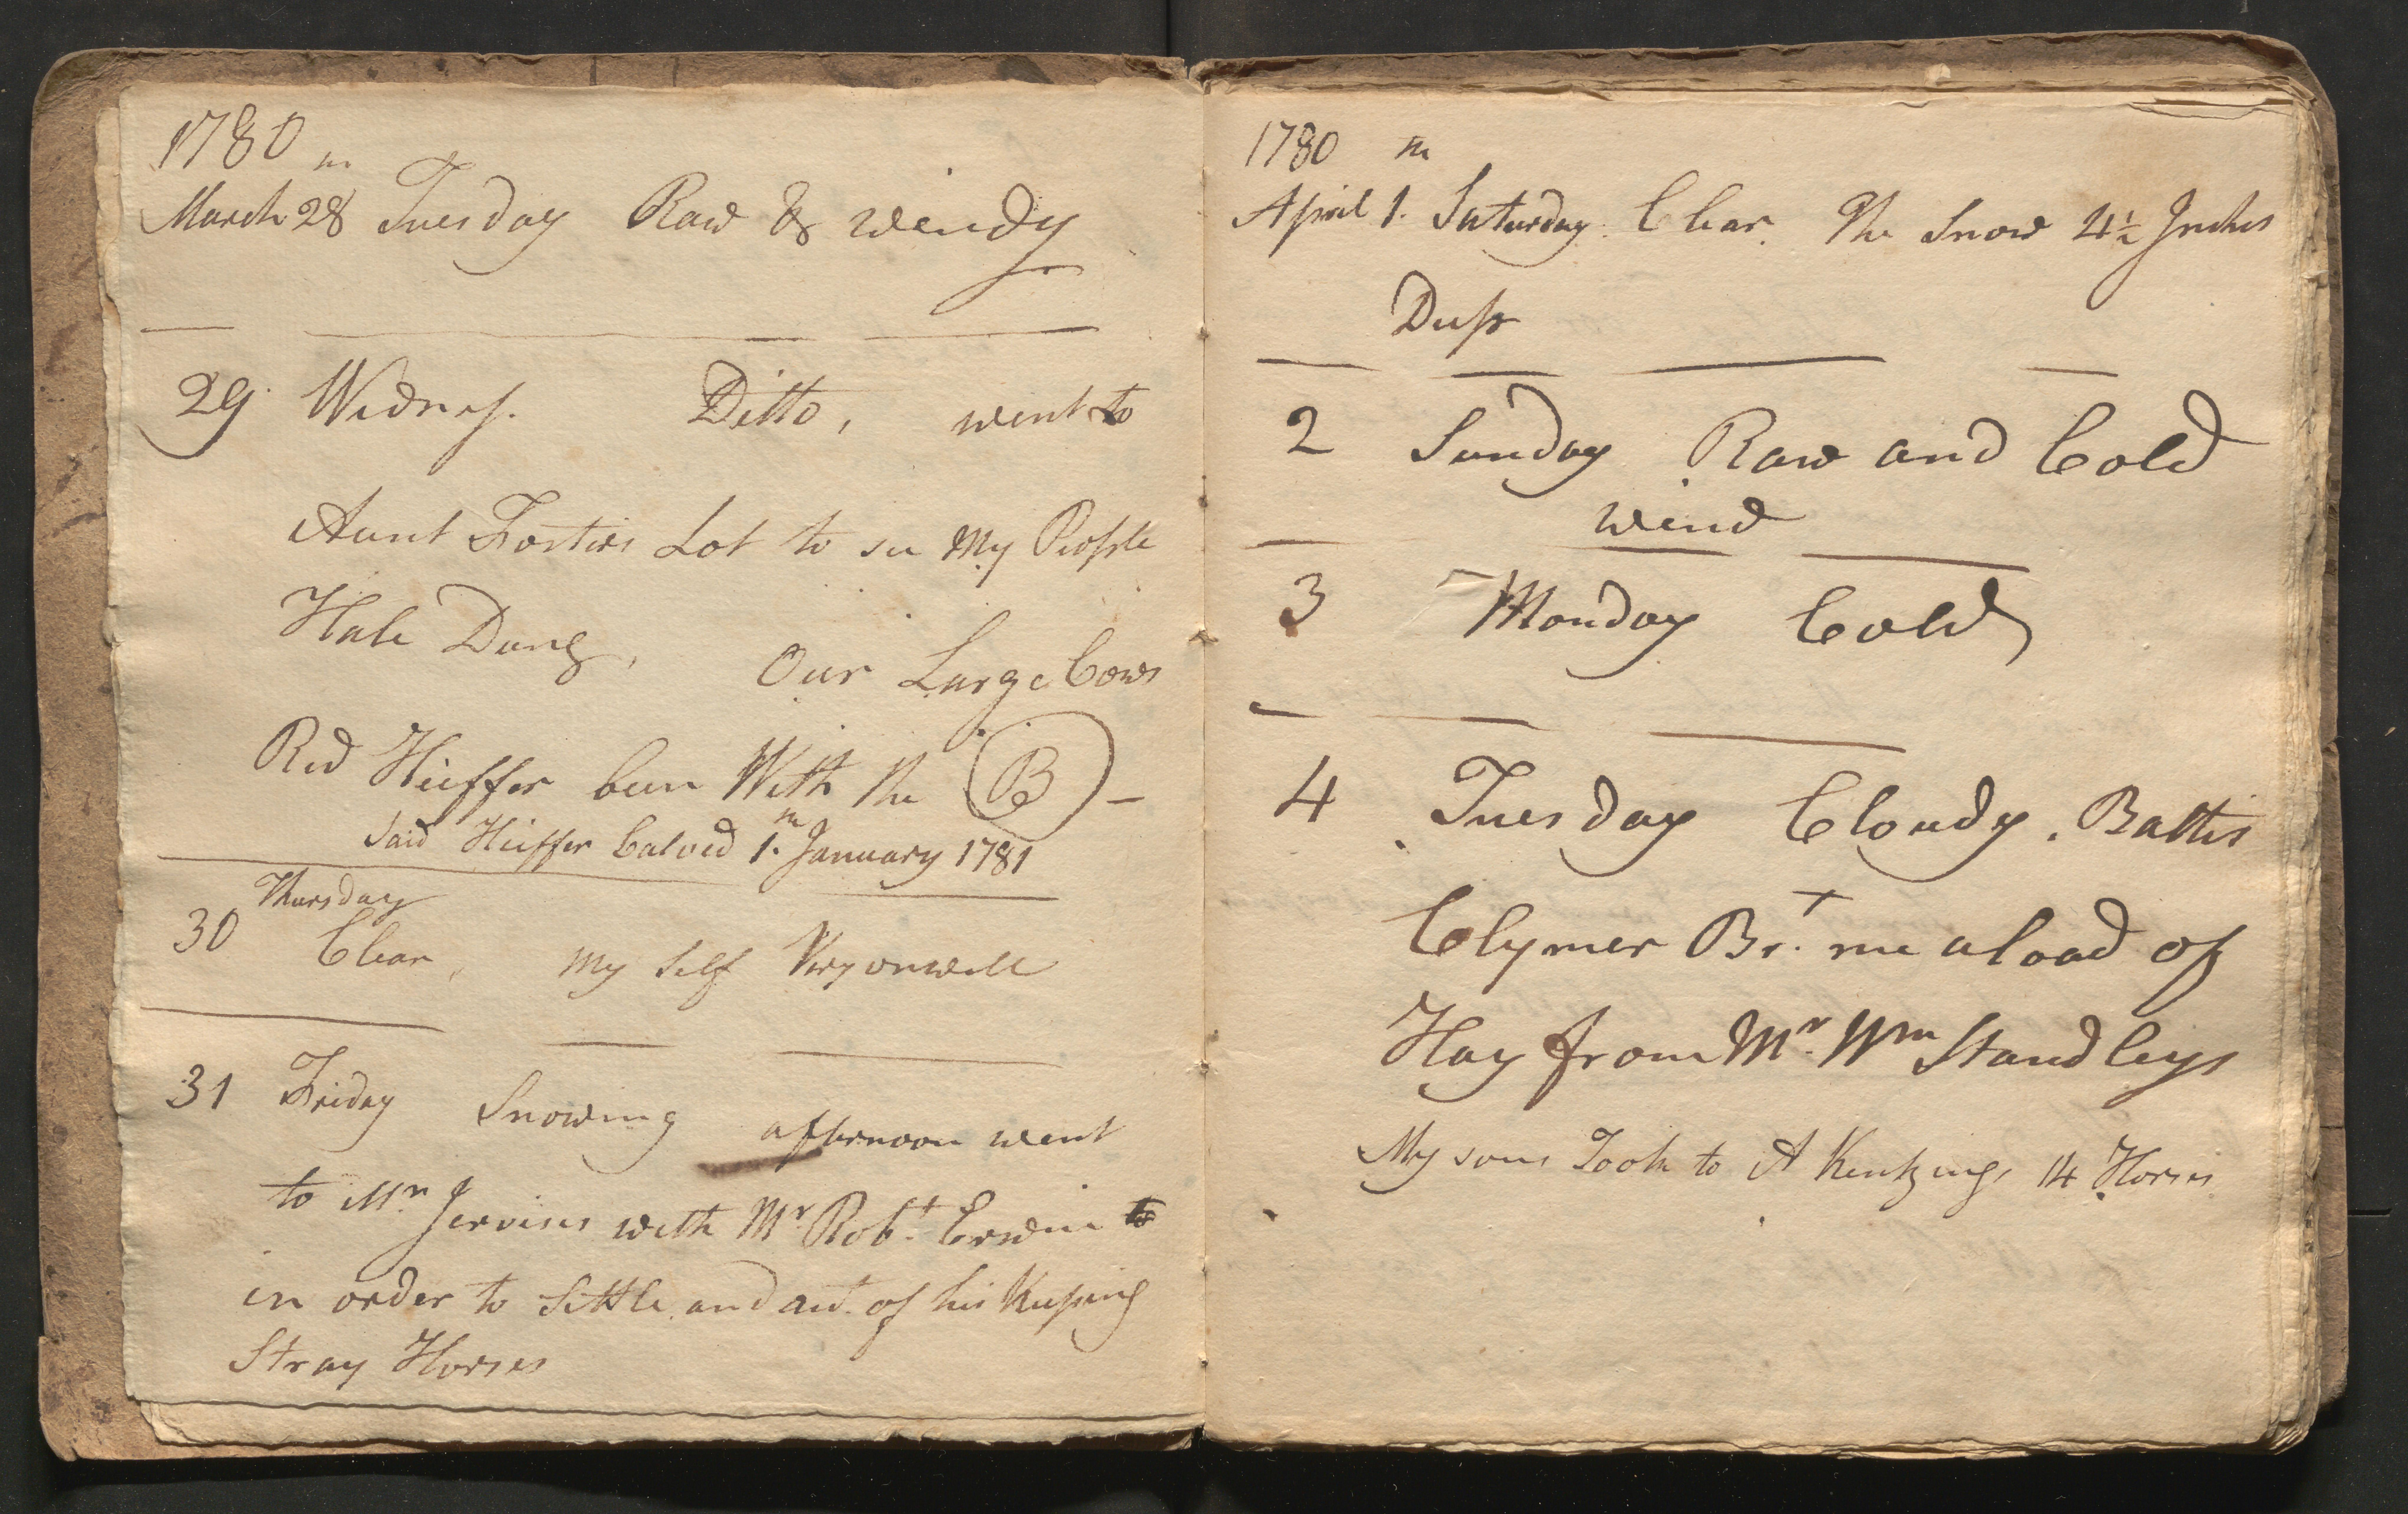1780
March 28^th Tuesday Raw & windy
29h. Wednes. Ditto, went to
Aunt Forters Lot to see My People
Hale Dung
Our Large Cows
Red Heiffer been With the B-
Said Heiffer Calved 1^th. January 1781
Thursday
30 Clear My Self Very unwell
31 Friday Snowing afternoon went
to M^r. Jervises with M^r. Rob^t. Erwin [to]
in order to Settle and ac^t. of his Keeping
Stray Horses
1780
April 1^th Saturday. Clear The Snow 4 1/2 Inches
Deep
2 Sunday Raw and Cold
wind
3 Monday Cold
4 Tuesday Cloudy, Battie
Clymer Br^t. me a load of
Hay from M^r. W^r Standleys
My sons Took to A Kintzing 14 Horses